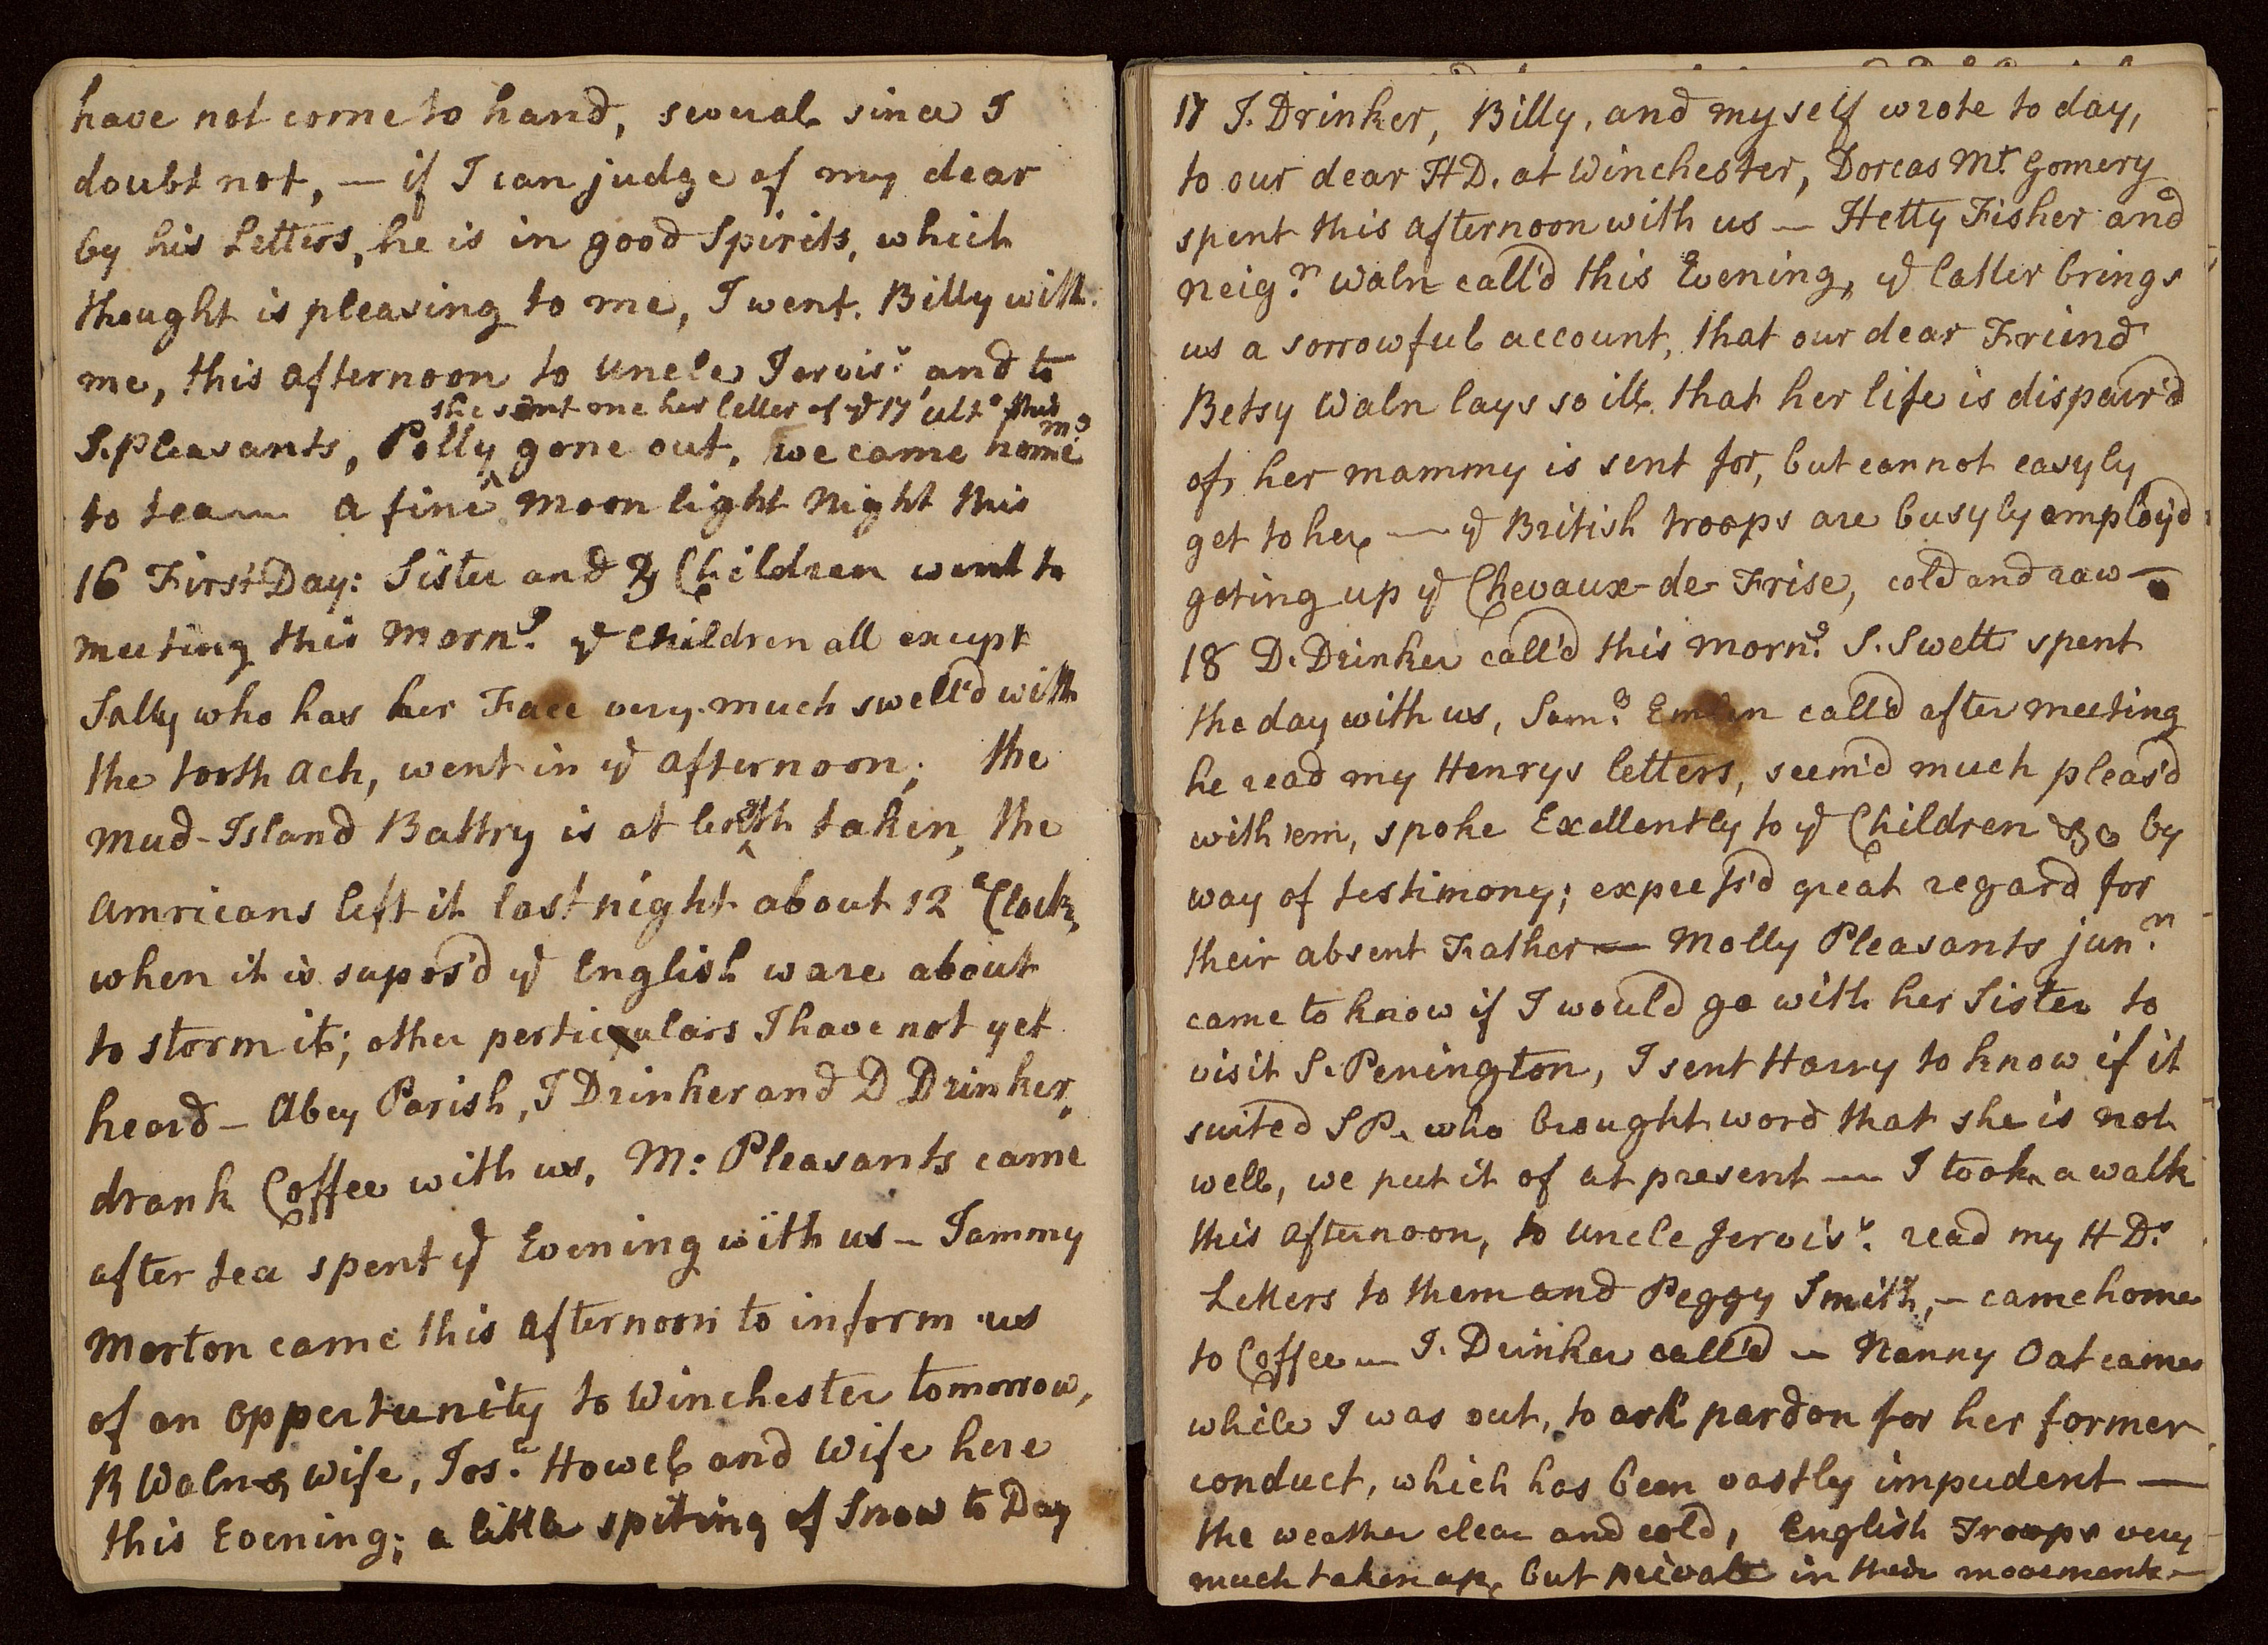have not come to hand, several since I
doubt not.- if I can judge of my dear
by his Letters, he is in good Spirits, which
thought is pleasing to me, I went Billy with.
me, this afternoon to Uncles Jervis^s. and to
she sent one her Celler of y^e 17 ult^o this
m^g.
S. Pleasants, Polly ^ gone out, we came home
to team a fine moon light night this
16 First Day: Sister and 3 Children went to
meeting this Morn^g. y^e Children all except
Sally who has her Face very much swell'd with
the tooth ach, went in y^e afternoon. the
Mud-Island Battry is at len^g th taken, the
Amricans left it last night about 12 oClock,
when it is supos'd y^e English ware about
to storm it; other pertic[q]ulars I have not yet
heard- Abey Parish, J Drinker and D Drinker,
drank Coffee with us, M: Pleasants came
after tea spent y^e Evening with us- Sammy
Morton came this afternoon to inform us
of an oppertunity to Winchester tomorrow,
R Waln & Wife, Jos^a. Howel and wife here
this Evening; a little spiting of Snow to Day
17 J. Drinker, Billy, and myself wrote to day,
to our dear HD, at Winchester, Dorcas M^r. Gomery
spent this afternoon with us- Hetty Fisher and
Neig^r. Waln call'd this Evening, y^e Caller brings
us a sorrowful account, that our dear Friend
Betsy Waln lays so ill that her life is dispair'd
of her mammy is sent for, but cannot easyly
get to her- y^e British troops are busyly employ'd
geting up y^e Chevaux-de-Frise, cold and raw-
18 D. Drinker call'd this morn^g. S. Swelt spent
the day with us, Sam^l. Emlen call'd after meeting
he read my Henrys letters, seem'd much pleas'd
with 'em, spoke Exellently to y^e Children &c by
way of testimony; express'd great regard for
their absent Father- Molly Pleasants jun^r.
came to know if I would go with her Sister to
visit P. Penington, I sent Harry to know if it
suited SP- who brought word that she is not
well, we put it of at present- I took a walk
this afternoon, to Uncle Jervis^s. read my H D^s.
Letters to them and Peggy Smith,- came home
to Coffee- J. Dunker calll'd- Nanny Oat came
while I was out, to ask pardon for her former
conduct, which has been vastly impudent-
the weather clear and cold, English Troops very
much taken up, but privall in their movement-